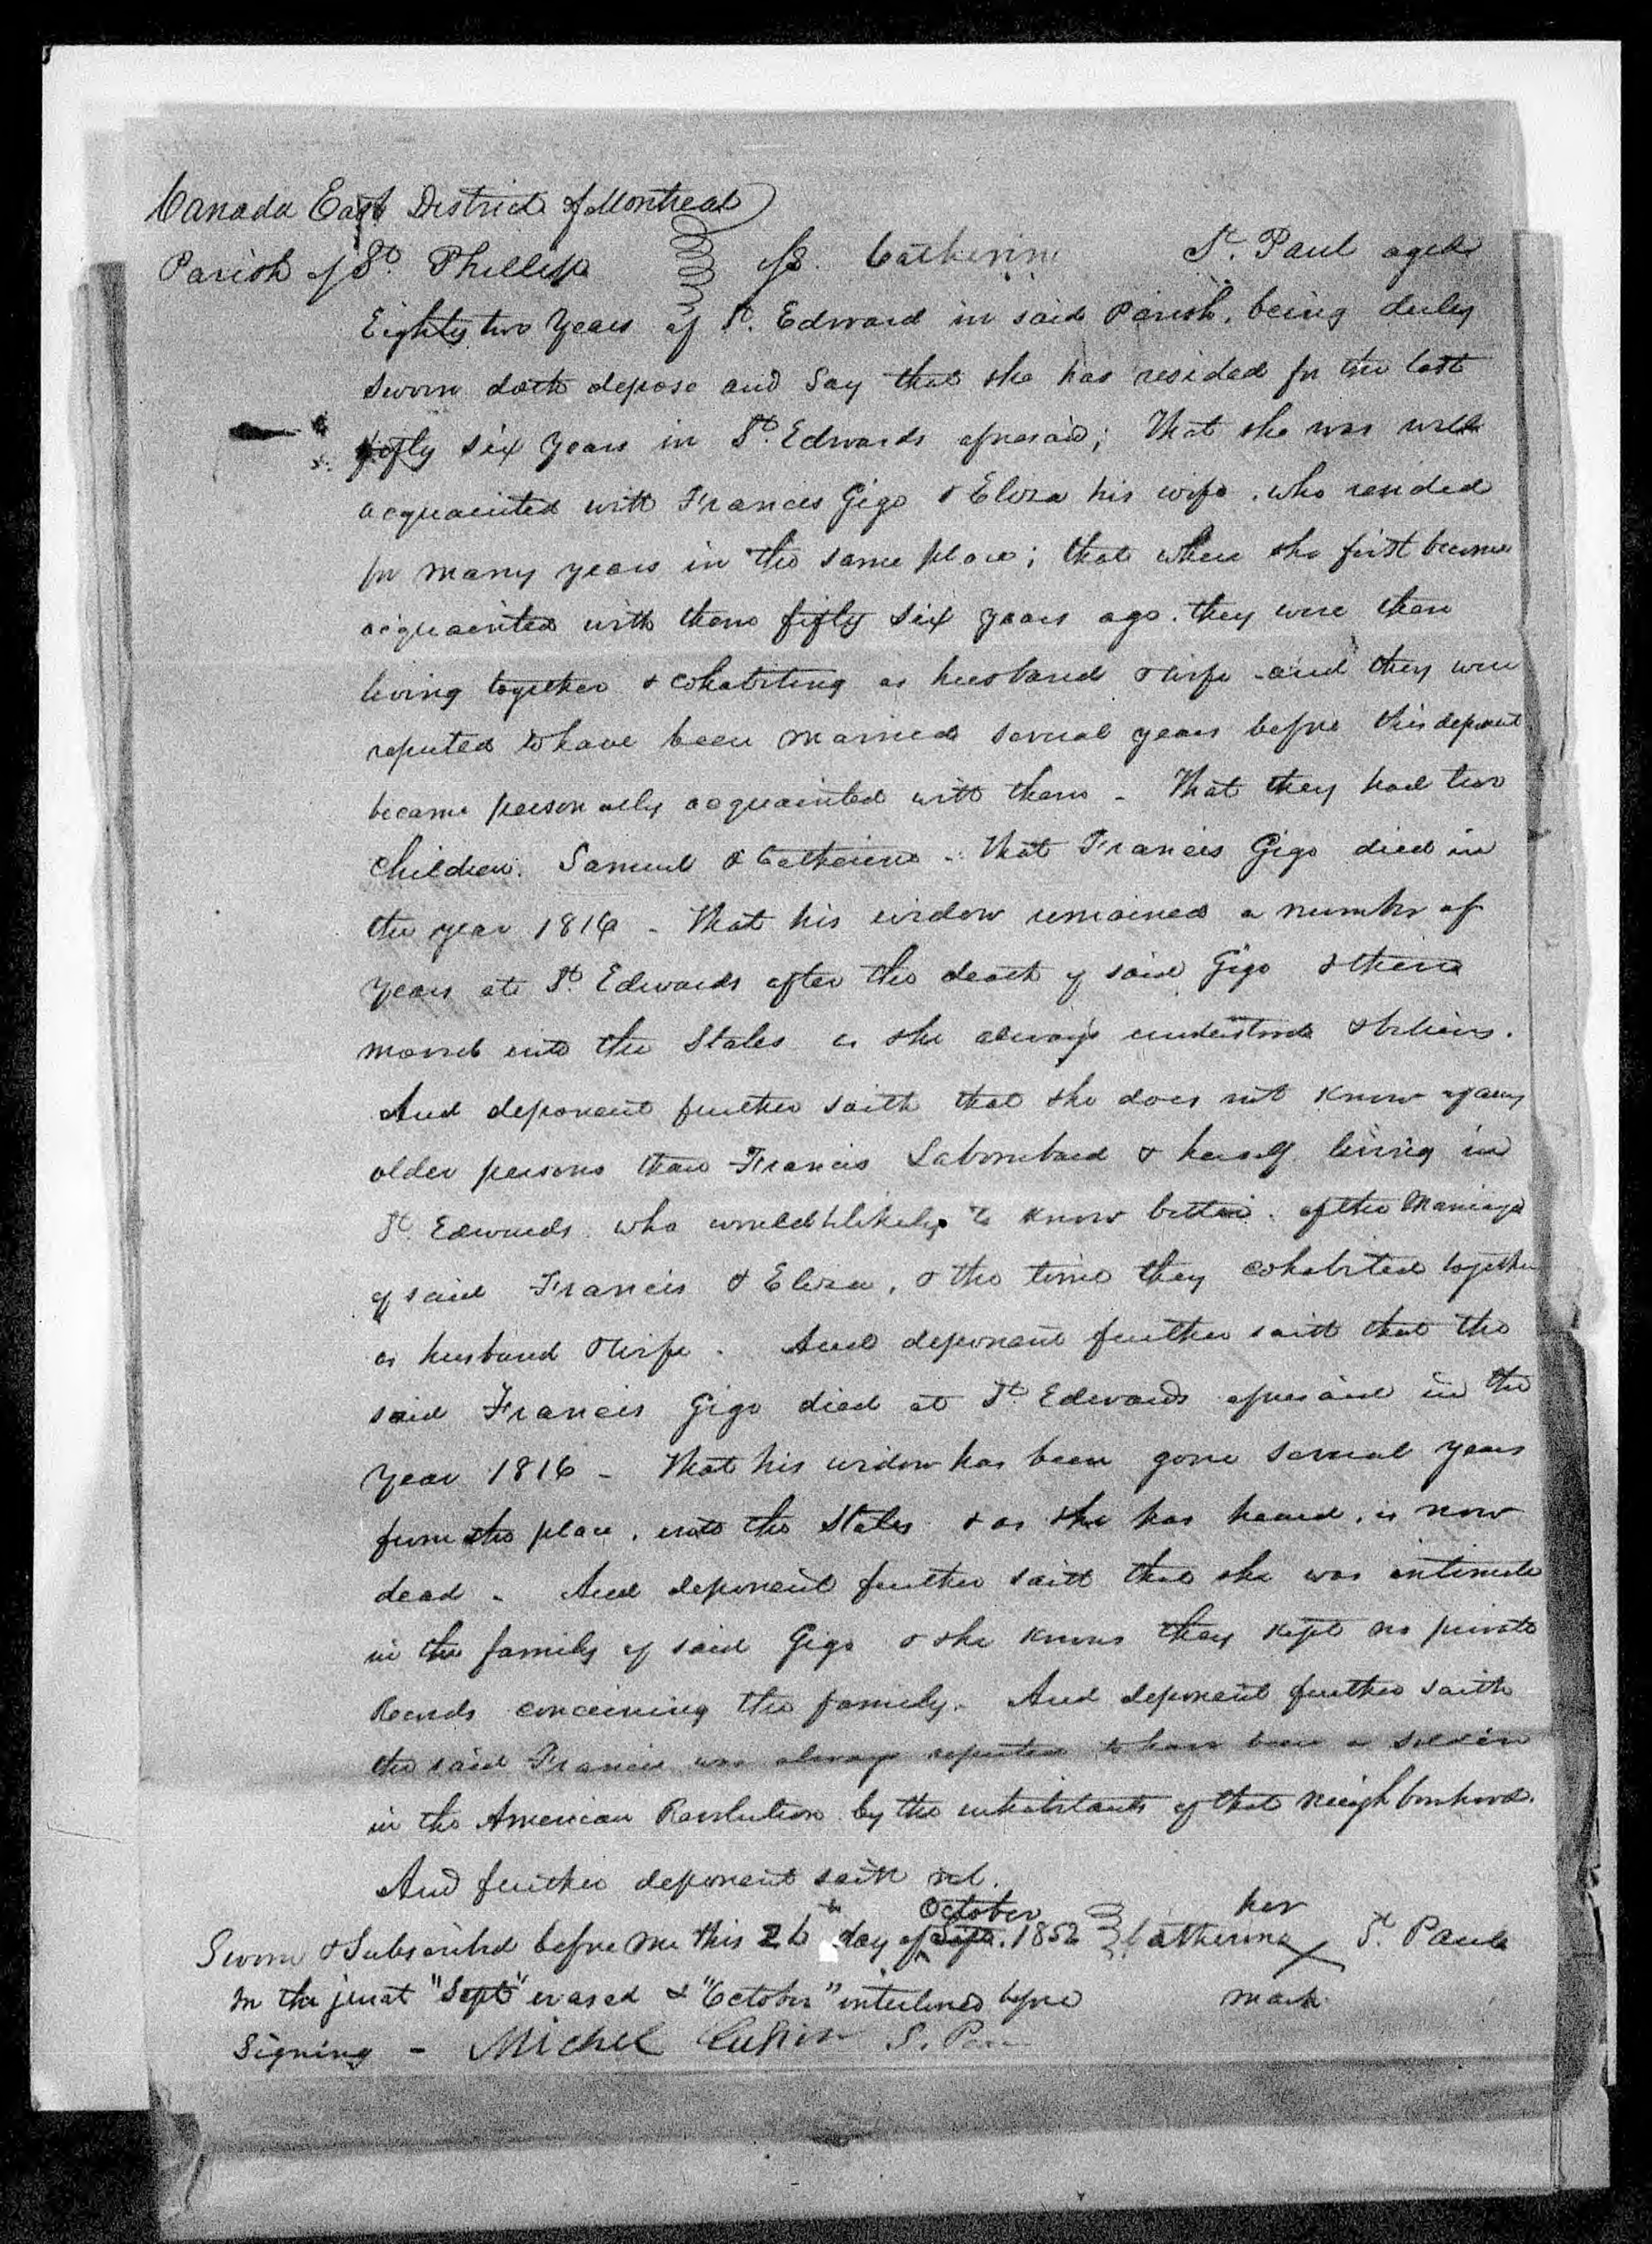Canada East  District of Montreal
Parish of St. Phillp  ss

Catherine St. Paul aged Eighty two years of St. Edward in said parish, being duly sworn doth depose and say that she has resided for the last fifty six years in St. Edwards aforesaid; That she was well acquainted with Francis Gigo & Eliza his wife who resided for many years in the same place; that where she first became acquainted with them fifty six years ago. they were there living together & cohabiting as husband & wife - and they were reputed to have been married several years before this deponent became personally acquainted with them.
That they had two children, Samuel & Catherine.
That Francis Gigo died in the year 1816- That his widow remained a number of years at St. Edwards after the death of said Gigo and then moved into the States as she always understood & believed.
And deponent further saith that she does not know of any older persons than Francis Labombard & herself living in St. Edwards who would likely to know better of the marriage of said Francis & Eliza, & the time they coinhabited together as husband & wife.  
Said deponent further saith that the said Francis Gigo died at St. Edwards aforesaid in the year 1816 - That his widow has been gone
several years from the place, into the States & as she has heard is now dead.
And deponent further saith that she was intimate in the family of said Gigo & she knows they kept no private records concerning the family.
And deponent further saith the said Francis was always reputed to have been a soldier in the American Revolution by the inhabitants of that neighborhood.
And further deponent saith not.
Sworn & Subscribed before me this 26th day of October 1852
In the jurant "Sept" was erased & "October" interlined before signing-
Michel Cuhin  J. Peace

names: Samuel, Eliza, Francis, Catherine St Paul, Francis, Gigo, Michel Lussier, Francis Gigo, Catherine St Paul, Eliza, Gigo, Francis Gigo, Francis Gigo, Francis Labombard, Catherine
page: 37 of 98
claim: widow's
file: W. 21182, Francis Gigo, Continental (Canadian)